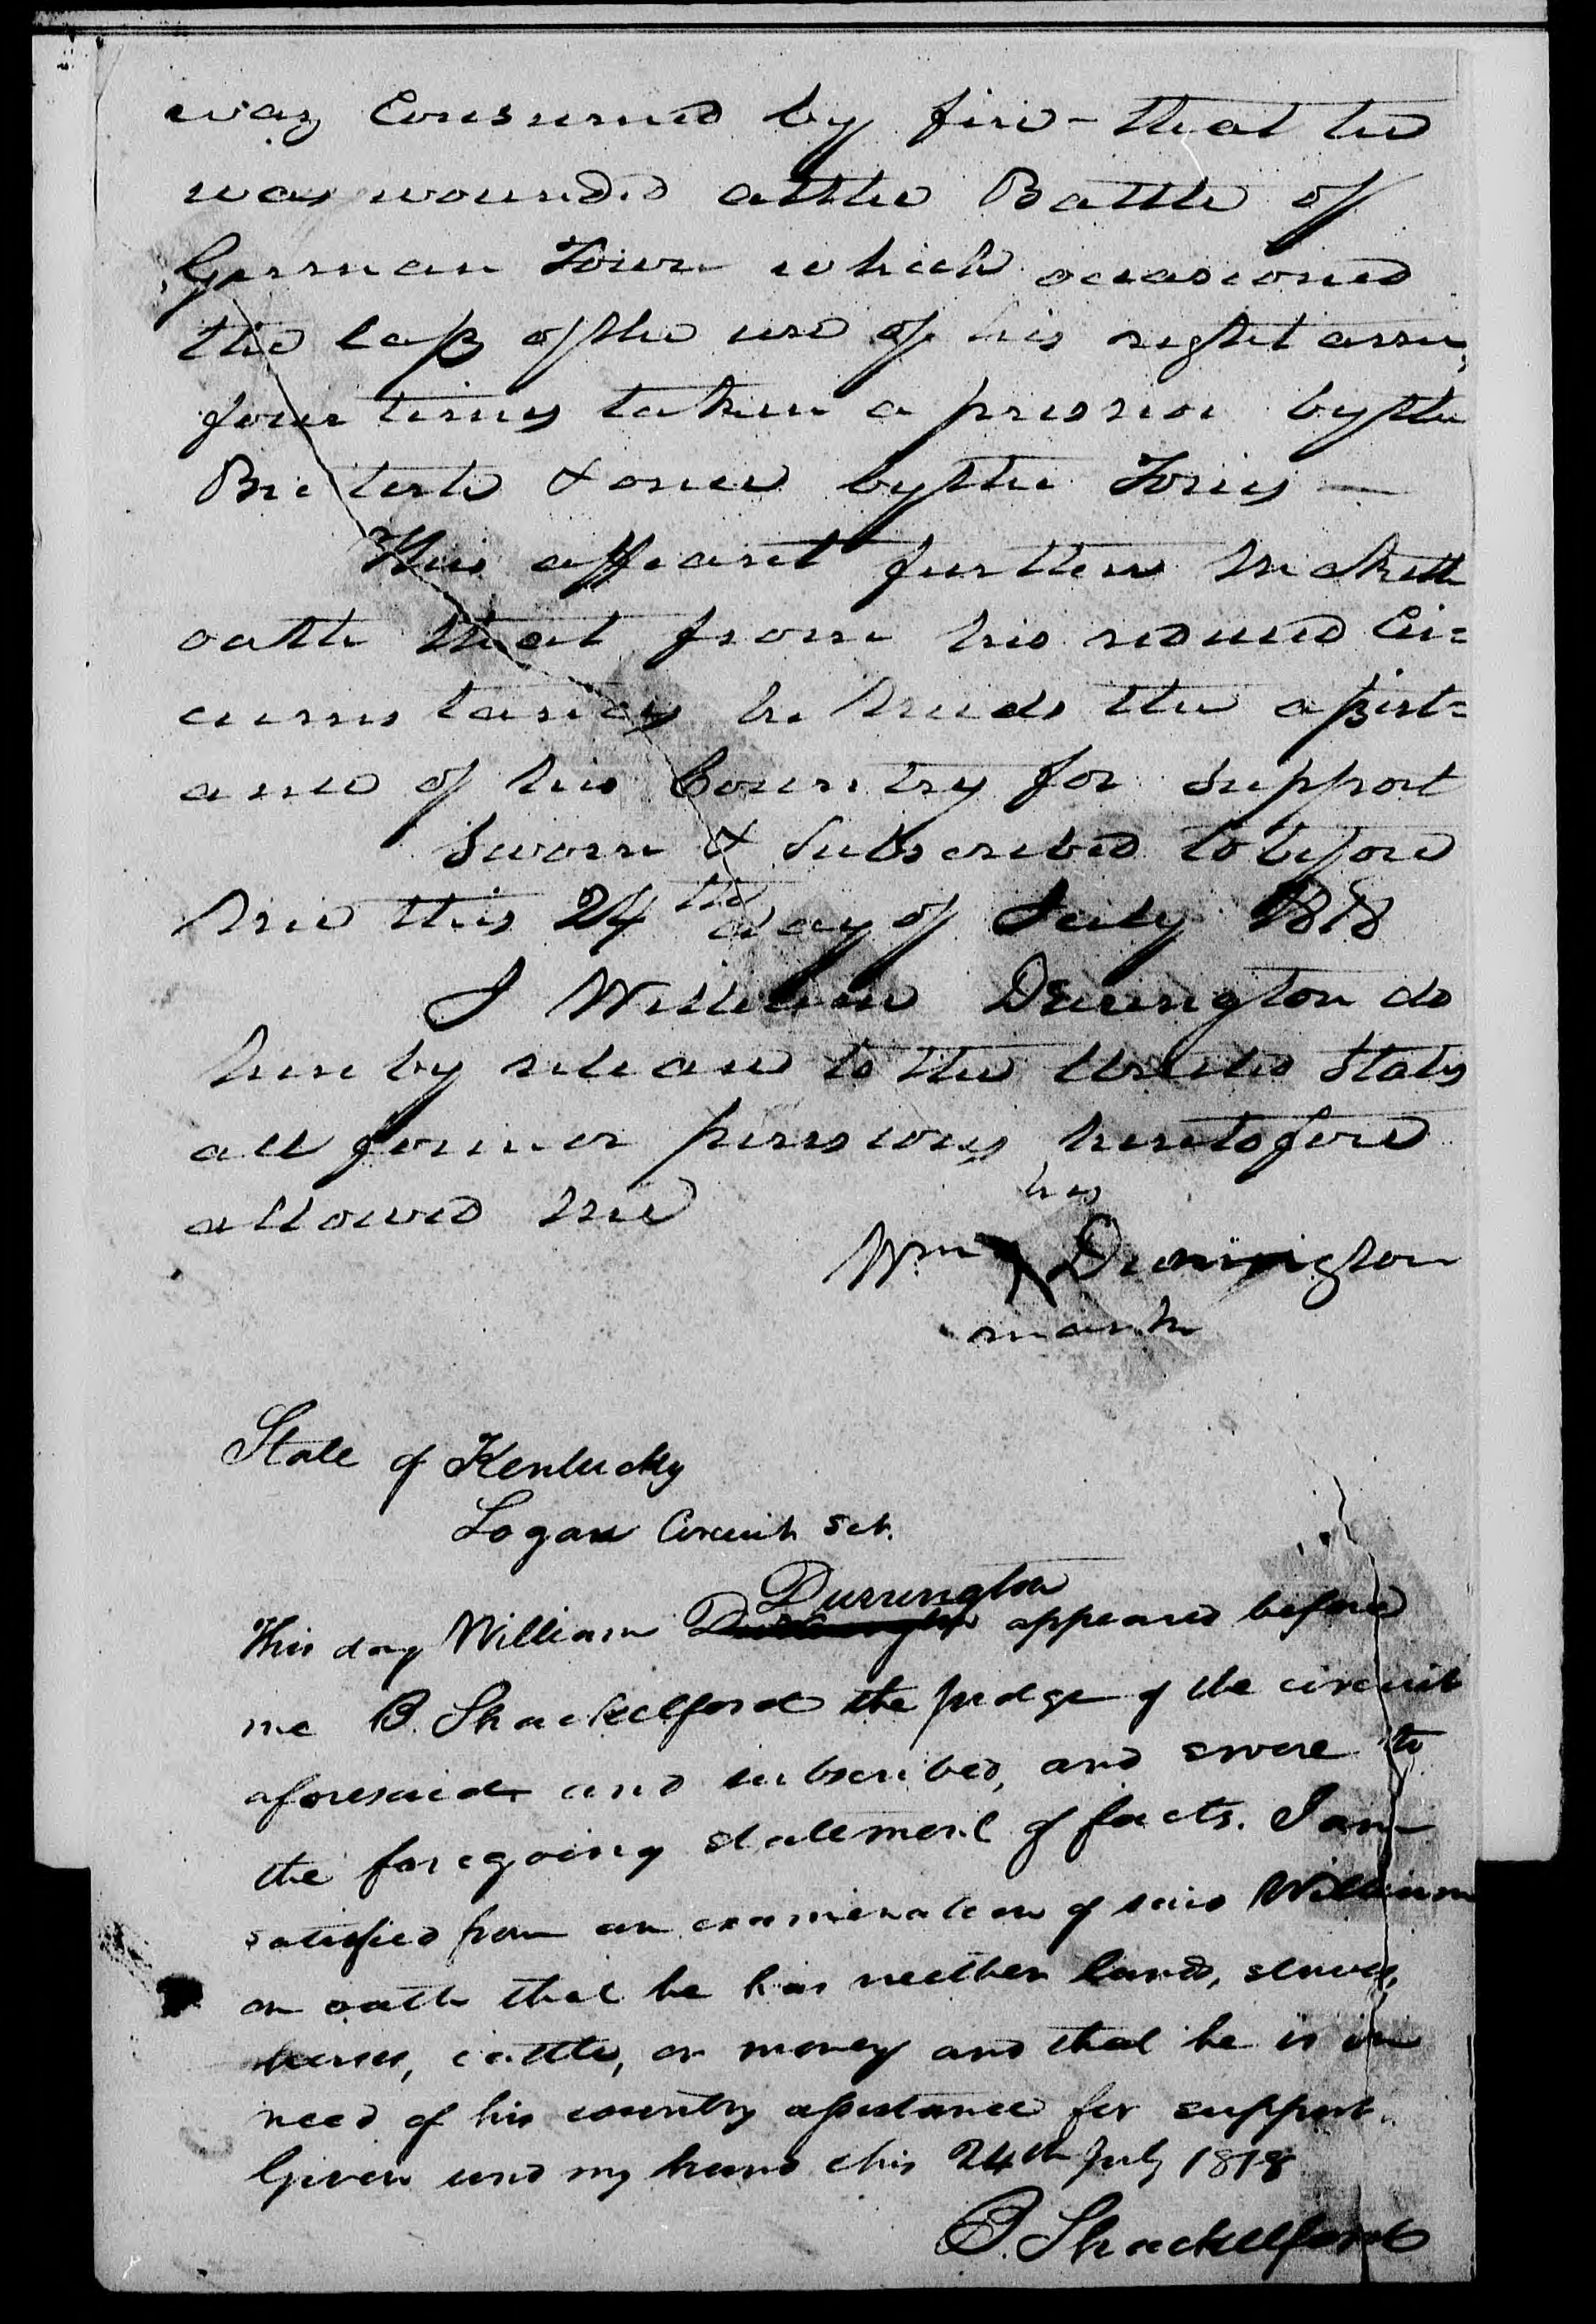was consumed by fire--that he was wounded at the Battle of German Town which occasioned the loss of the use of his right [illegible possibly arm], four times taken a prisoner by the British + once by the Tories.  

[Illegible] [illegible] further maketh oath that from his reduced circumstances he needs the assistance of his country for support

Sworn + subscribed to before me this 24th day of July 1818

I William Denington do hereby [illegible] to the United States all former [illegible] heretofore allowed [illegible]
         his
Wm  X Dunington
         mark

State of Kentucky
Logan Circuit [illegible]
This day William Dunington appeared before me B. Shackelford the judge of the circuit aforesaid and subscribed and swore to the foregoing statement of facts.  I am satisfied from an examination of said William on oath that he has neither land, slaves, horses, cattle or money and that he is in need of his county assistance for support.  Given [illegible] my hand this 24th July 1818
B. Shackelford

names: Wm Dunington, William Dunington, William, B Shackelford, William Derrington, B Shackelford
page: 15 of 51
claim: widow's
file: W. 27,409, William Dunnington, Md.